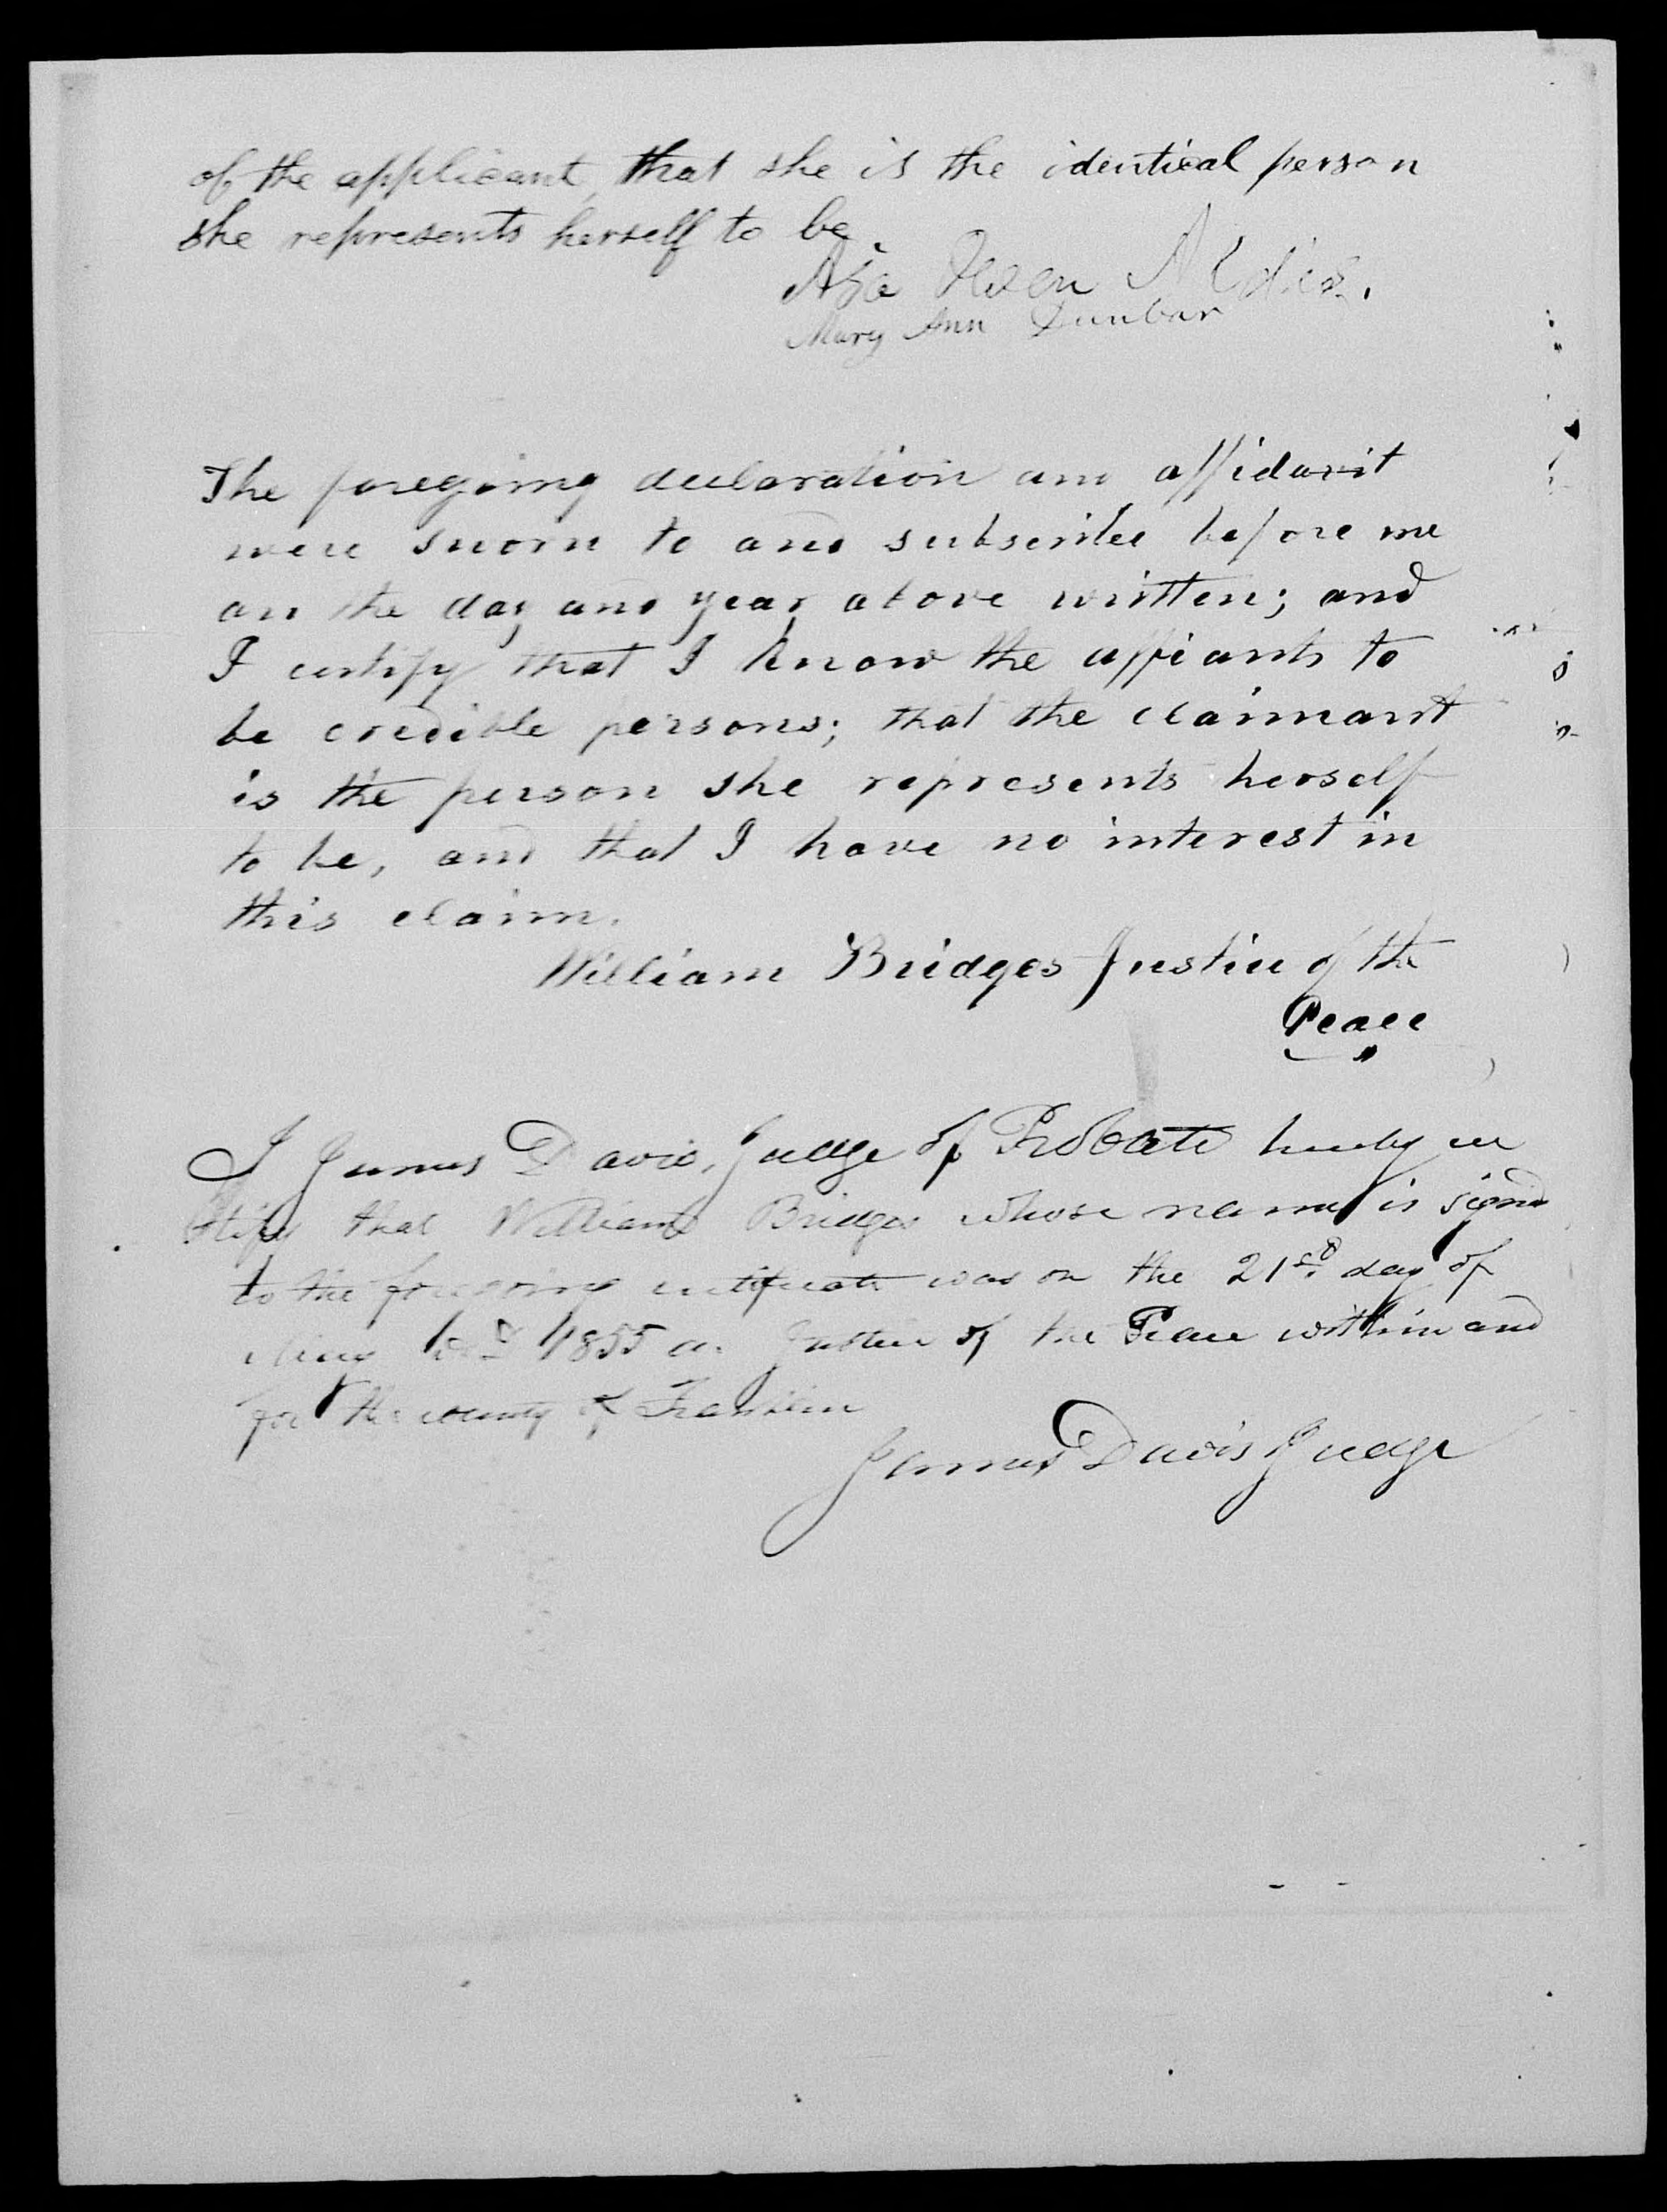of the applicant that she is the identical person
she represents herself to be. 
Asa Owen Aldis
Mary Ann Dunbar
The foregoing declaration and affidavit
were sworn to and subscribed before me
on the day and year above written; and
I certify that I know the affiants to
be credible persons; that the claimant
is the person she represents herself
to be, and that I have no interest in
this claim.
William Bridges Justice of the
Peace
I James Davis, Judge of Probate hereby 
certify that William Bridges whose name is signed
to the foregoing certificate was on the 21st day of
May A. D. 1855 a Justice of the Peace within and
for the County of Franklin
James Davis Judge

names: James Davis, Asa Owen Aldis, James Davis, Mary Ann Dunbar, William Bridges, William Bridges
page: 11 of 76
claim: widow's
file: W. 15,517, William Gadcomb, R.I.